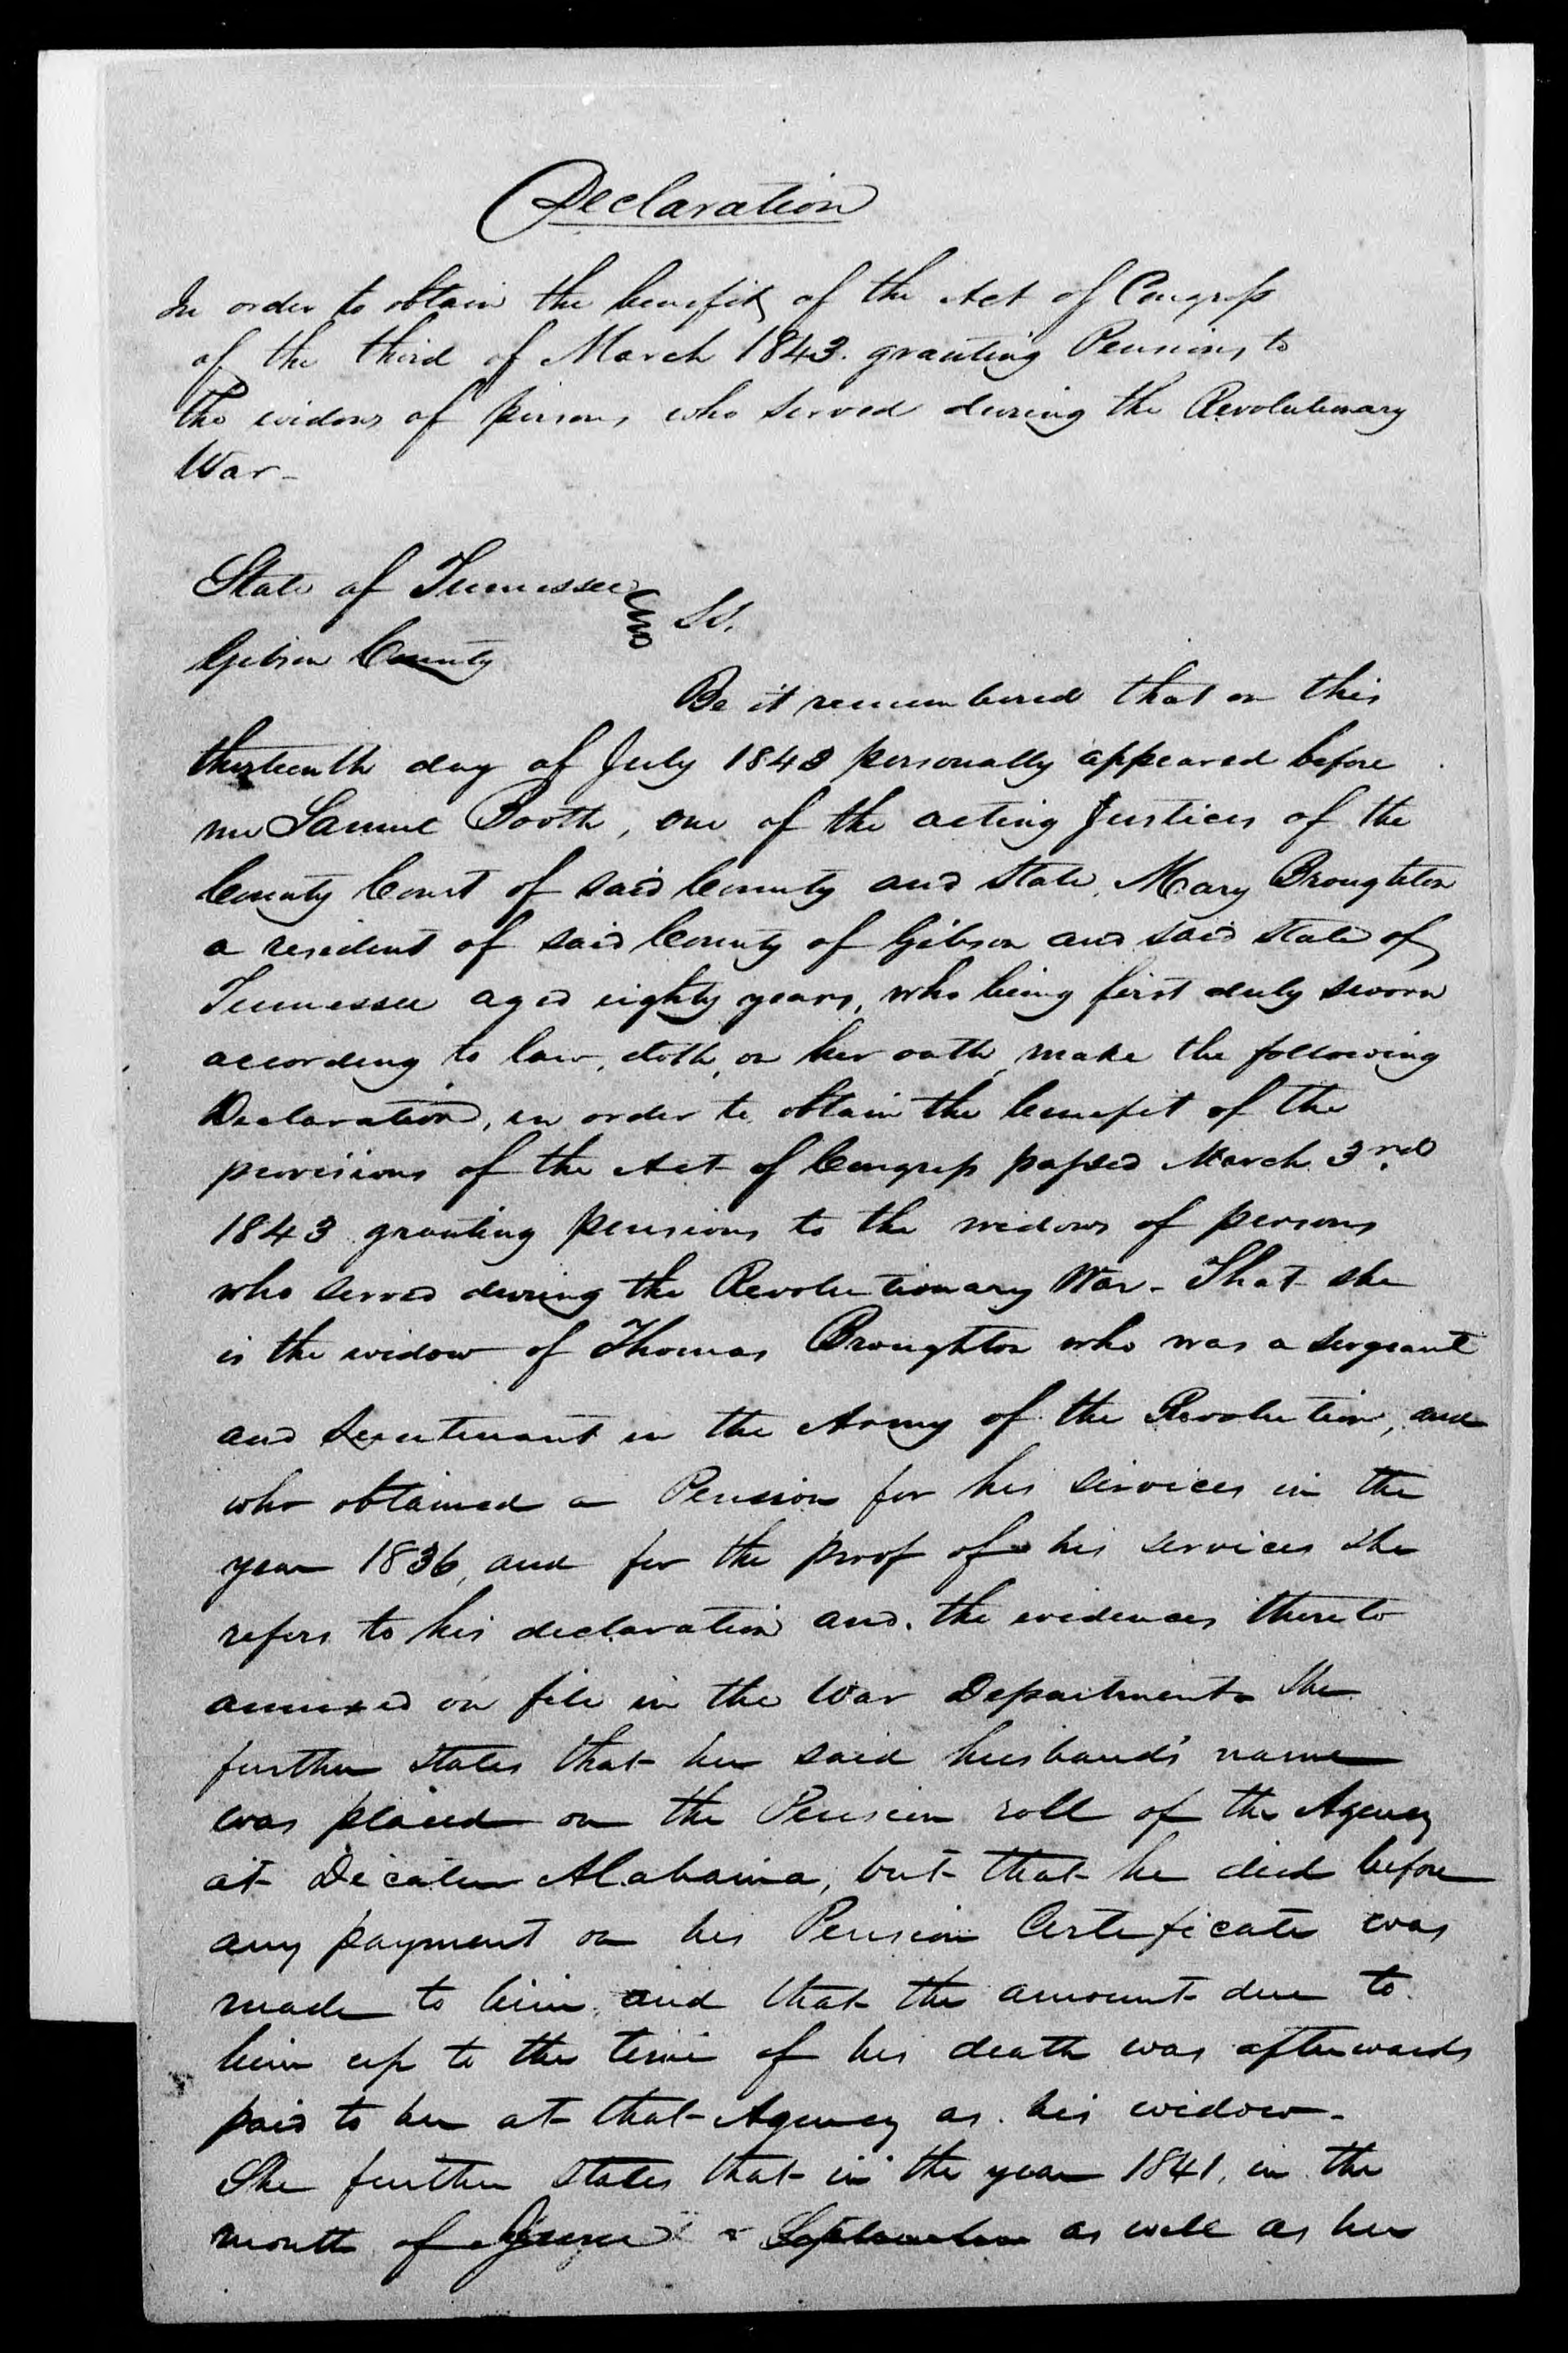Declaration
In order to obtain the benefit of the Act of Congress of the third of March 1843, granting Pensions to the widows of persons who served during the Revolutionary War.

State of Tennessee
Gibson County } SS.
Be it remembered that on this thirteenth day of July 1843 personally appeared before Mr Samuel Booth, one of the acting Justices of the County Court of said County and State, Mary Broughton a resident of said County of Gibson and said State of Tennessee aged eighty years, who being first duly sworn according to law, doth, on her oath, make the following Declaration, in order to obtain the benefit of the provisions of the Act of Congress passed March 3rd, 1843 granting pensions to the widows of persons who served during the Revolutionary War. That she is the widow of Thomas Broughton who was a Sergeant and Lieutenant in the Army of the Revolution, and who obtained a Pension for his services in the year 1836, and for the proof of his services she refers to his declaration and, the evidences thereto annexed on file in the War Department. She further states that her said husband's name was placed on the Pension roll of the Agency at Decatur Alabama, but that he died before any payment on his Pension Certificate was made to him and that the amount due to him up to the time of his death was afterwards paid to her at that Agency as his widow.
She further states that in the year 1841, in the month of June - September as well as her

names: Samuel Booth, Mary Broughton, Thomas Broughton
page: 54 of 72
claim: widow's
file: W. 897, Thomas Broughton, S.C.